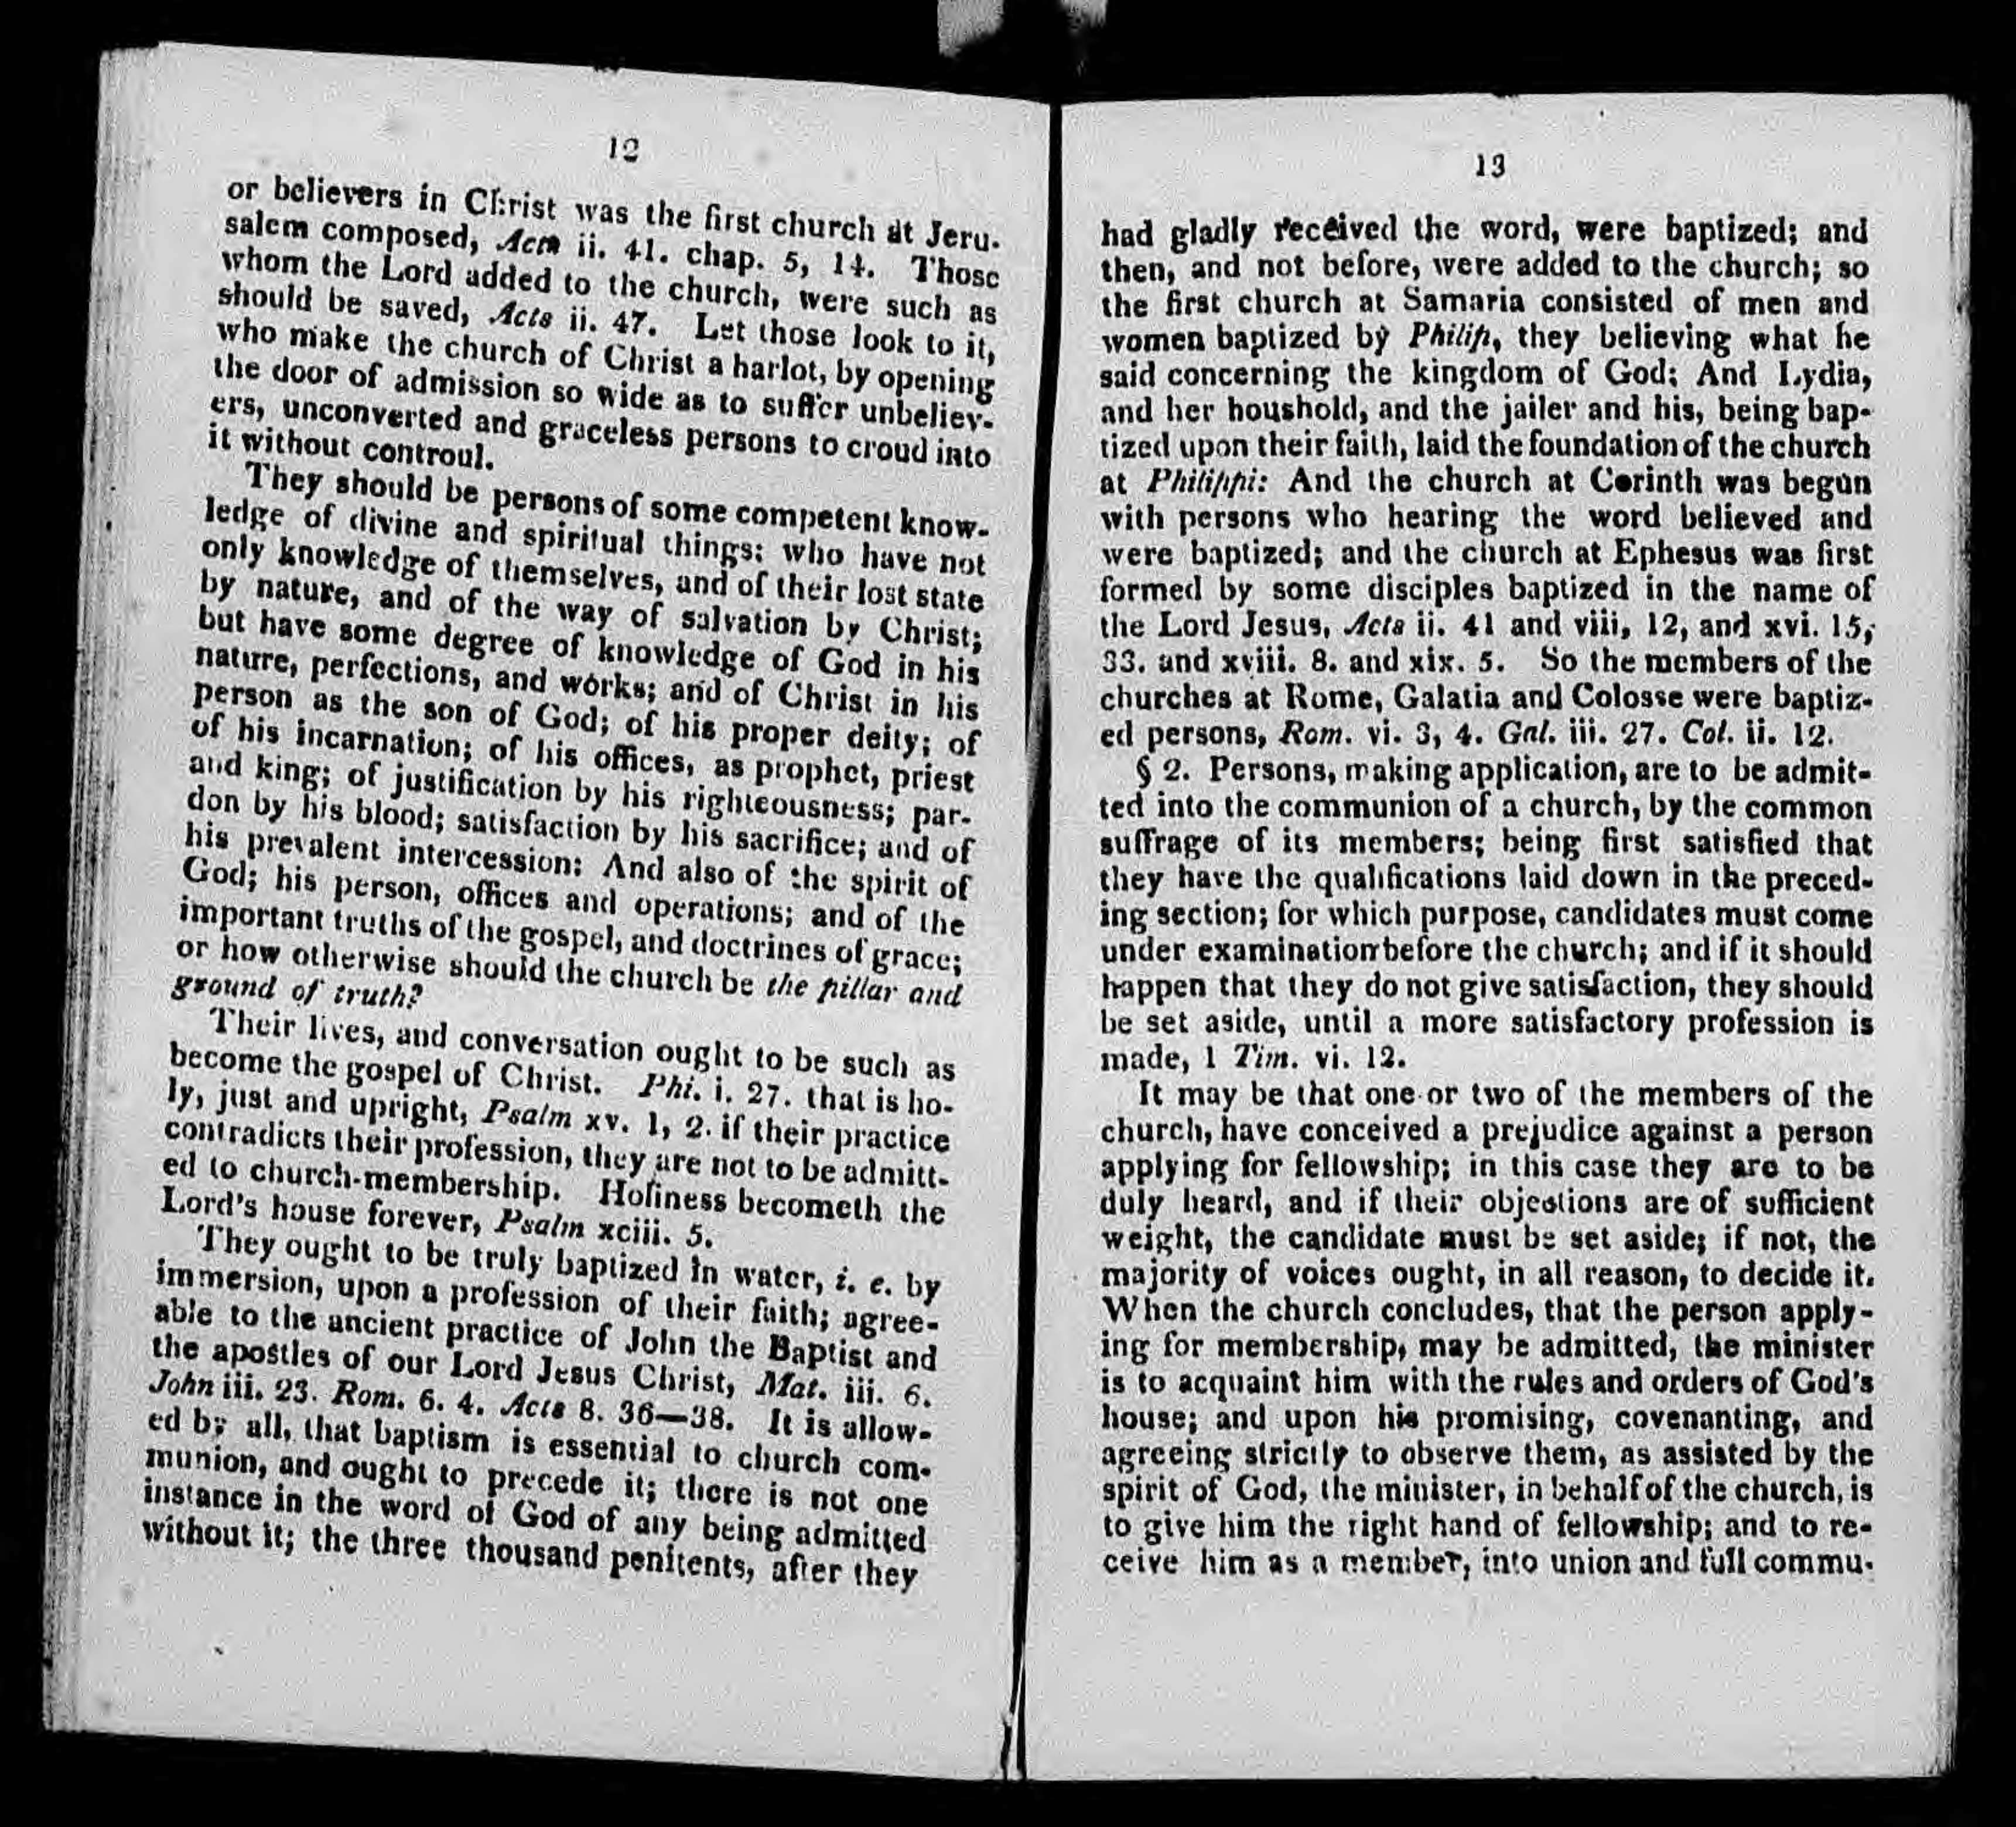[page] 12
or believers in Christ was the first church at Jerusalem composed, Act ii. 41. chap. 5, 14.  Those whom the Lord added to the church, were such as should be saved, Acts ii. 47.  Let those look to it, who make the church of Christ a harlot, by opening the door of admission so wide as to suffer unbelievers, unconverted and graceless persons to croud into it without controul.
They should be persons of some competent knowledge of divine and spiritual things; who have not only knowledge of themselves, and of their lost state by nature, and of the way of salvation by Christ; but have some degree of knowledge of God in his nature, perfections, and works; and of Christ in his person as the son of God; of his proper deity; of his incarnation; of his offices, as prophet, priest and king; of justification by his righteousness; pardon by his blood; satisfaction by his sacrifice; and of his prevalent intercession;  And also of the spirit of  God; his person, offices and operations; and of the important truths of the gospel, and doctrines of grace; or how otherwise should the church be the pillar and ground of  truth?
Their lives, and conversation ought to be such as become the gospel of Christ. Phi. i. 27. that is holy, just and upright, Psalm xv. 1, 2. if their practice contradicts their profession, they are not to be admitted to church membership. Holiness becometh the Lord's house forever, Psalm xciii. 5. 
They ought to be truly baptized i water, i.e. by immersion, upon a profession of their faith; agreeable to the ancient practice of John the Baptist and the apostles of our Lord Jesus Christ, Mat. iii. 6. John iii, 23.  Rom. 6. 4. Acts 8. 36-38. It is allowed by all, that baptism is essential to church communion, and ought to precede it; there is not one instance in the word of God of any being admitted without it; the three thousand penitents, after they
[page] 13
had gladly received the word, were baptized; and then, and not before, were added to the church; so the first church at Samaria consisted of men and women baptized by Philip, they believing what he said concerning the kingdom of God; And Lydia, and her household, and the jailer and his, being baptized upon their faith, laid the foundation of the church at Philippi: and the church at Corinth was begun with persons who hearing the word believed and we baptized; and the church at Ephesus was first formed by some disciples baptized in the name of the Lord Jesus, Acts ii. 41 and viii, 12, and xvi. 15, 33. ad xviii. 8. and ziz. 5.  so the members of the churches at Rome, Galatia and Colosse were baptized persons, Rom. vi. 3, 4.  Gal. iii. 27. Col. ii.12.
2.  Persons, making application, are to be admitted into the communion of a church, by the common suffrage of its members; being first satisfied that they have the qualifications laid down in the preceding section; for which purpose, candidates must come under examination before the church; and if it should happen that they do not give satisfaction, they should be set aside, until a more satisfactory profession is made, 1 Tim. vi. 12.
It may be that one or two of the members of the church, have conceived a prejudice against a person applying for fellowship; in this case they are to be duly heard, and if their objections are of sufficient weight, the candidate must be set aside. if not, the majority of voices ought, in all reason, to decide it.  Wen the church concludes that the person applying for membership, may be admitted, the minister is to acquaint him with the rules ad orders of Gods house; and upon his promising, covenanting, and agreeing  strictly to observe them, as assisted by the spirit of God, the minister, in behalf of the church, is to give him the right hand of fellowship; and to receive him as a member, into union and full commu[nion]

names: Tim, Mat, Lydia, John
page: 52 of 98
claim: widow's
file: W. 8398, William Broadway, S.C.